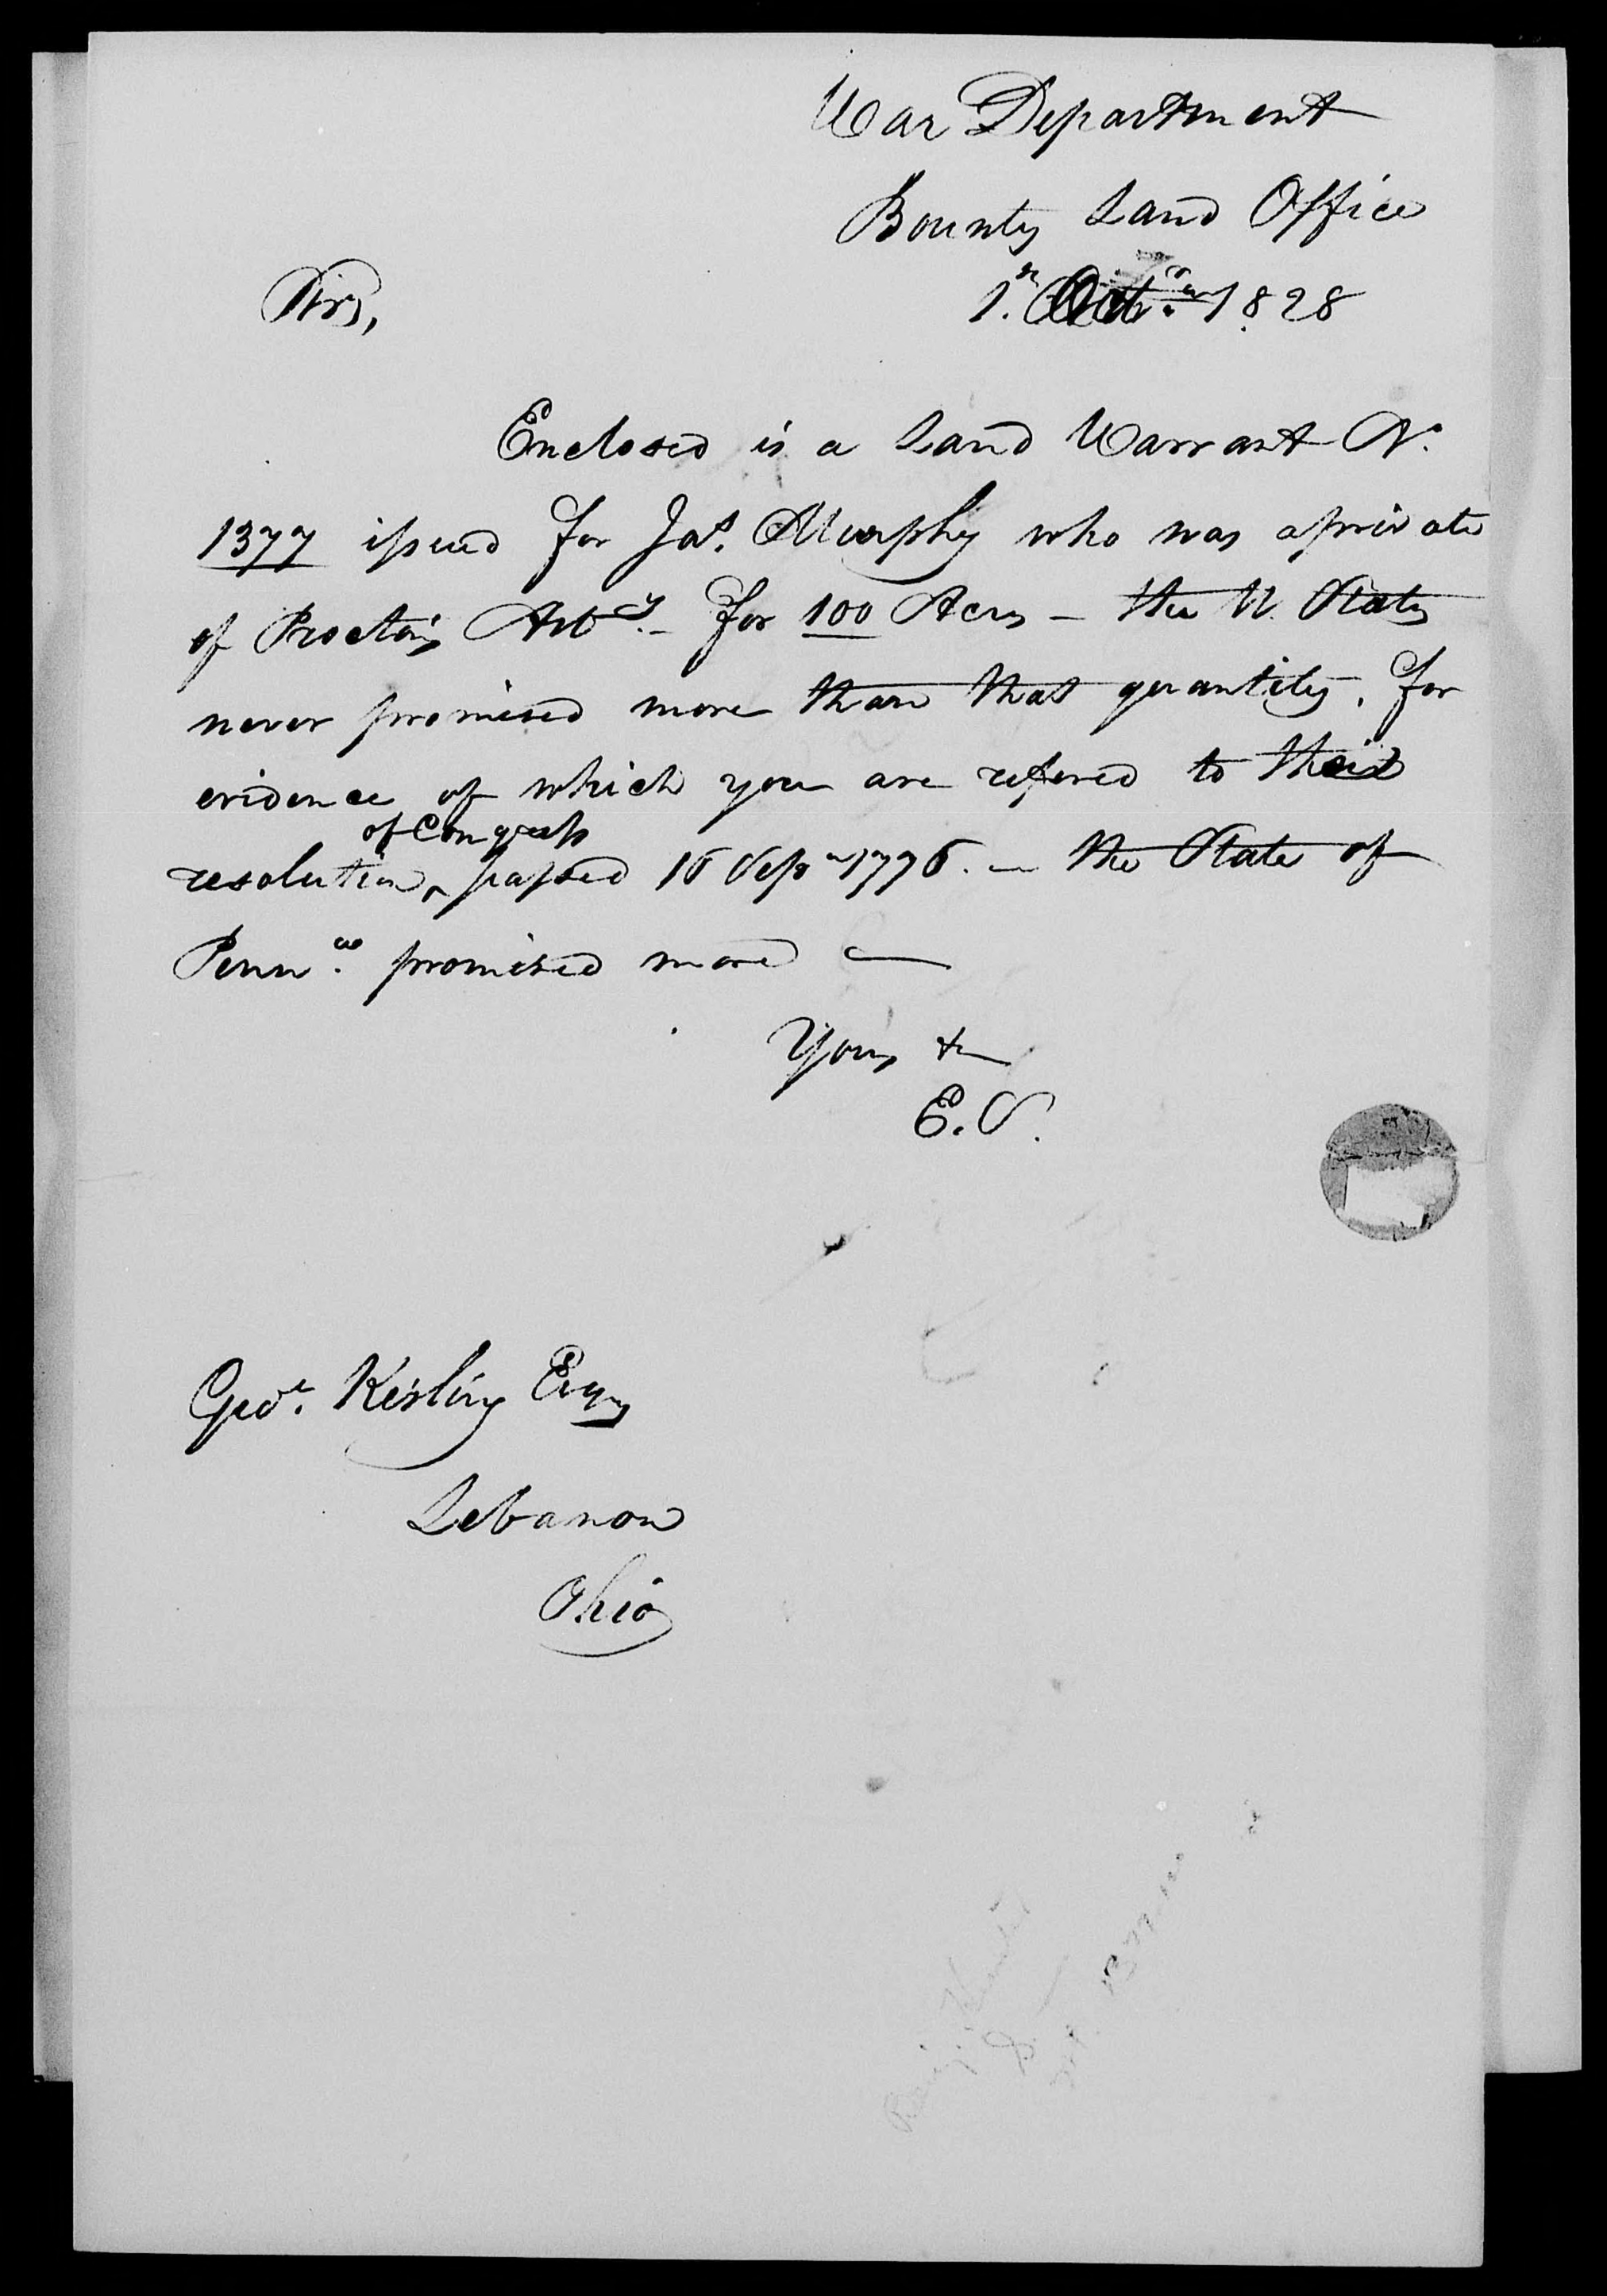War Department
Bounty Land Office
1st Oct 1828
Enclosed is a Land Warrant N.

Sirs,
Enclosed is a Land Warrant N. 
1377 issued for Jas Murphy who was a private
of [ Procti Acty ] - for 100 Acres - the W State
never promised more than that quantity. For
evidence of which you are refered to that resolution of Congress passed 16 Sep 1776.  The State of
Penna promised more - 
-
Yours &
E.C.


Geo Kisling Esq
Lebanon
Ohio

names: Geoe Kesling; Jas Murphy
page: 47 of 57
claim: widow's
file: W. 25,739, for James Murphey, Pennsylvania